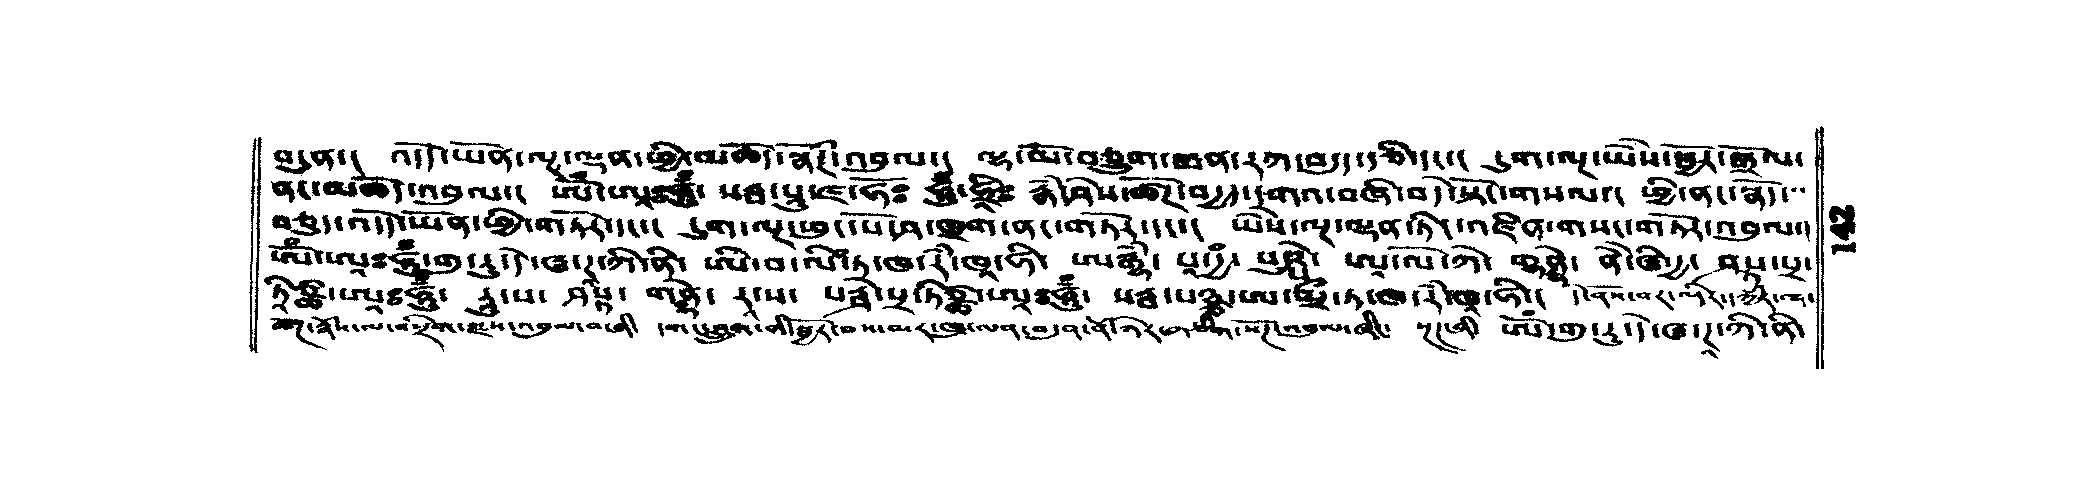བདུན། །འདོད་ཡོན་ལྔ་ལྡན་ཕྱི་མཆོད་སྣ་ཚོགས་འབུལ། །ལྷ་མོ་བཅུ་དྲུག་སྨན་རཀ་བདུད་རྩི་དང་། དུག་ལྔ་ཡེ་ཤེས་སྦྱོར་གྲོལ་
ནང་མཆོད་འབུལ། །ཨོྃ་ཨཱཿཧཱུྃ། སརྦ་པཱུ་ཛ་ཧོ། ཧཱུྃ་ཧྲཱིཿ རྣམ་ཤེས་ཚོགས་བརྒྱད་དགའ་བཞི་བདེ་སྟོང་གསལ། ། ཕྱི་ནང་སྣོད་
བཅུད་འདོད་ཡོན་ཕྱི་གཏོར་དང་། །དུག་ལྔ་ཕུང་པོ་ཤ་ཁྲག་ནང་གཏོར་དང་། །ཡེ་ཤེས་ལྔ་ལྡན་ཏིང་འཛིན་གསང་གཏོར་འབུལ། །
ཨོྃ་ཨཱ་ཧཱུྃ་གུ་རུ་དེ་ཝ་ཌཱ་ཀི་ནི། ཨི་དཾ་བ་ལིཾ་ཏ་ཁ་རཾ་ཁཱ་ཧི། ཨརྒྷཾ། པཱ་དྱཾ། ནཻ་ཝི་དྱ། ཤཔྟ་པྲ་ཏཱི་ཙྪ་ཨཱཿཧཱུྃ། རཱུ་པ། ཤཔྟ། གནྡྷེ། རཱ་ས། པརྴེ་པྲ་
ཏིཙྪ་ཨཱཿཧཱུྃ། སརྦ་པཉྩ་ཨ་མྲྀ་ཏ་ཁ་རཾ་ཁཱ་ཧི། དེ་ནས་བར་འདིར་དཀྱིལ་འཁོར་ལྷ་
ཚོགས་རྣམས་ལ་བསྲེག་རྫས་འབུལ་བ་ནི། དགང་བླུག་གི་སྦྱོར་བས་མར་ཁུ་ལན་བདུན་ནམ་ཉེར་གཅིག་སོགས་འབུལ་བ་ནི། སྔགས་ནི། ཨོྃ་གུ་རུ་དེ་ཝ་ཌཱ་ཀི་ནི་